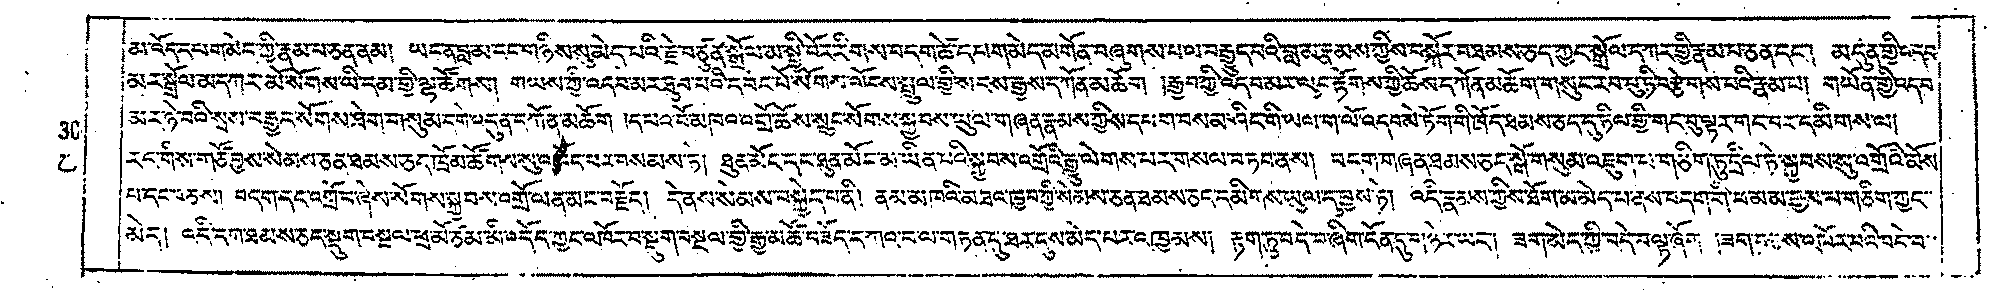མ་འོད་དཔག་མེད་ཀྱི་རྣམ་པ་ཅན་ནམ། ཡང་ན་བླ་མ་དང་གཉིས་སུ་མེད་པའི་རྗེ་བཙུན་སྒྲོལ་མ་སྤྱི་བོར་རིགས་བདག་ཚེ་དཔག་མེད་མགོན་བཞུགས་པ་ལ་བརྒྱུད་པའི་བླ་མ་རྣམས་ཀྱིས་བསྐོར་བ་ཐམས་ཅད་ཀྱང་སྒྲོལ་དཀར་གྱི་རྣམ་པ་ཅན་དང་། མདུན་གྱི་འདབ་
མར་སྒྲོལ་མ་དཀར་མོ་སོགས་ཡི་དམ་གྱི་ལྷ་ཚོགས། གཡས་ཀྱི་འདབ་མར་ཐུབ་པའི་དབང་པོ་སོགས་ལོངས་སྤྲུལ་གྱི་སངས་རྒྱས་དཀོན་མཆོག །རྒྱབ་ཀྱི་འདབ་མར་ལུང་རྟོགས་ཀྱི་ཆོས་དཀོན་མཆོག་གསུང་རབ་པུ་ཏི་བརྩེགས་པའི་རྣམ་པ། གཡོན་གྱི་འདབ་
མར་ཉེ་བའི་སྲས་བརྒྱད་སོགས་ཐེག་གསུམ་དགེ་འདུན་དཀོན་མཆོག །དཔའ་བོ་མཁའ་འགྲོ་ཆོས་སྲུང་སོགས་སྐྱབས་ཡུལ་གཞན་རྣམས་ཀྱིས་དཔག་བསམ་ཤིང་གི་ཡལ་ག་ལོ་འདབ་མེ་ཏོག་གི་ཁྲོད་ཐམས་ཅད་དུ་ཏིལ་གྱི་གང་པུ་ལྟར་གང་བར་དམིགས་ལ།
རང་གིས་གཙོ་བྱས་སེམས་ཅན་ཐམས་ཅད་ཁྲོམ་ཚོགས་སུ་འབོད་པར་བསམས་ཏེ། ཐུན་མོང་དང་ཐུན་མོང་མ་ཡིན་པའི་སྐྱབས་འགྲོའི་རྒྱུ་ལེགས་པར་གསལ་བཏབ་ནས། བདག་གཞན་ཐམས་ཅད་སྒོ་གསུམ་འཇུག་པ་གཅིག་ཏུ་དྲིལ་ཏེ་སྐྱབས་སུ་འགྲོའི་མོས་
པ་དང་བཅས། བདག་དང་འགྲོ་བ་ཞེས་སོགས་སྐྱབས་འགྲོ་ལན་མང་བརྗོད། དེ་ནས་སེམས་བསྐྱེད་པ་ནི། ནམ་མཁའི་མཐའ་ཁྱབ་ཀྱི་སེམས་ཅན་ཐམས་ཅད་དམིགས་ཡུལ་དུ་བྱས་ཏེ། འདི་རྣམས་ཀྱིས་ཐོག་མ་མེད་པ་ནས་བདག་གི་ཕ་མ་མ་བྱས་པ་གཅིག་ཀྱང་་་
མེད། འདི་དག་ཐམས་ཅད་སྡུག་བསྔལ་ཕྲ་མོ་ཙམ་མི་འདོད་ཀྱང་འཁོར་བ་སྡུག་བསྔལ་གྱི་རྒྱ་མཚོ་བཟོད་དཀའ་བ་ལ་གཏན་དུ་ཐར་དུས་མེད་པར་འཁྱམས། རྟག་ཏུ་བདེ་བ་ཞིག་དོན་དུ་གཉེར་ཡང་། ཟག་མེད་ཀྱི་བདེ་བ་ལྟ་ཞོག །ཟག་བཅས་འཁོར་བའི་བདེ་བ་་་